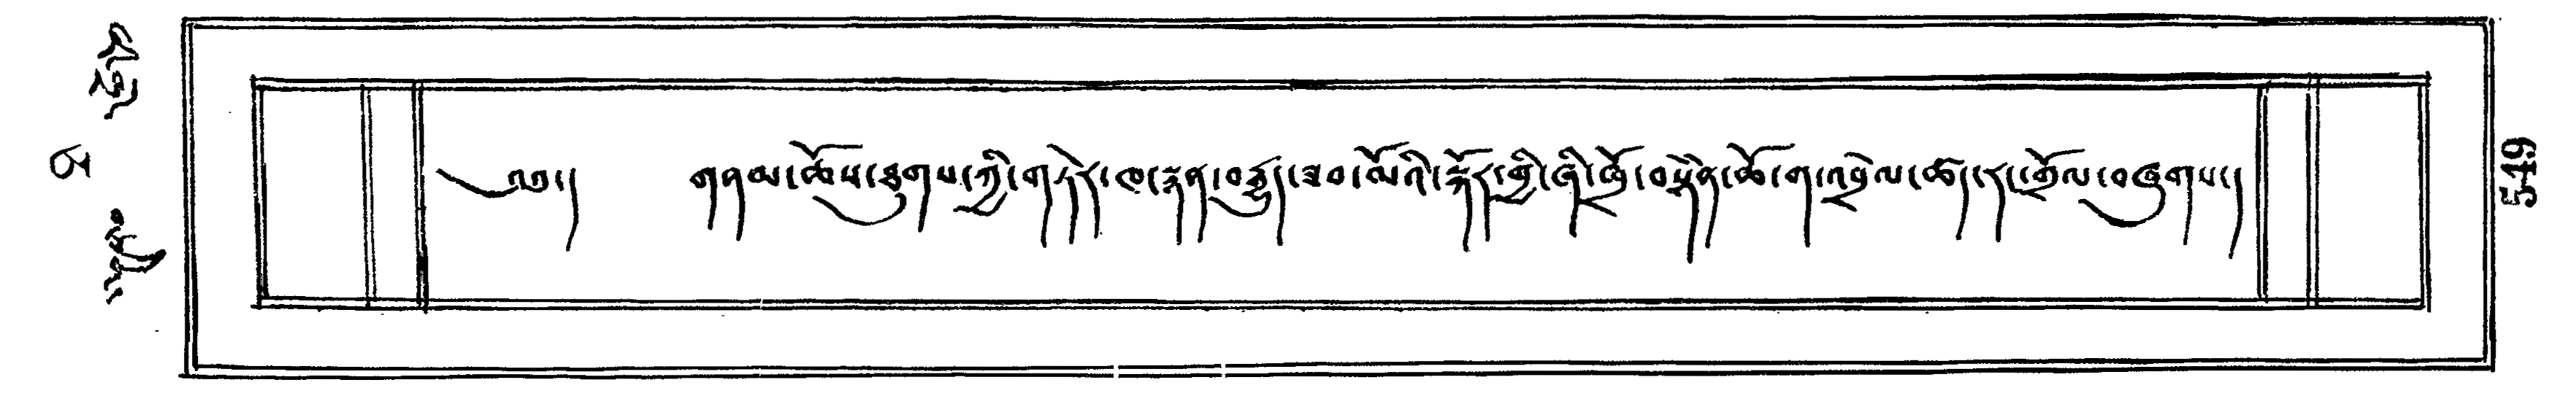༄༅། གནམ་ཆོས་ཐུགས་ཀྱི་གཏེར་ཁ་སྙན་བརྒྱུད་ཟབ་མོའི་སྐོར་གྱི་ཞི་ཁྲོ་བསམ་གཏན་ཆོ་ག་འབྲེལ་ཚད་རང་གྲོལ་བཞུགས།